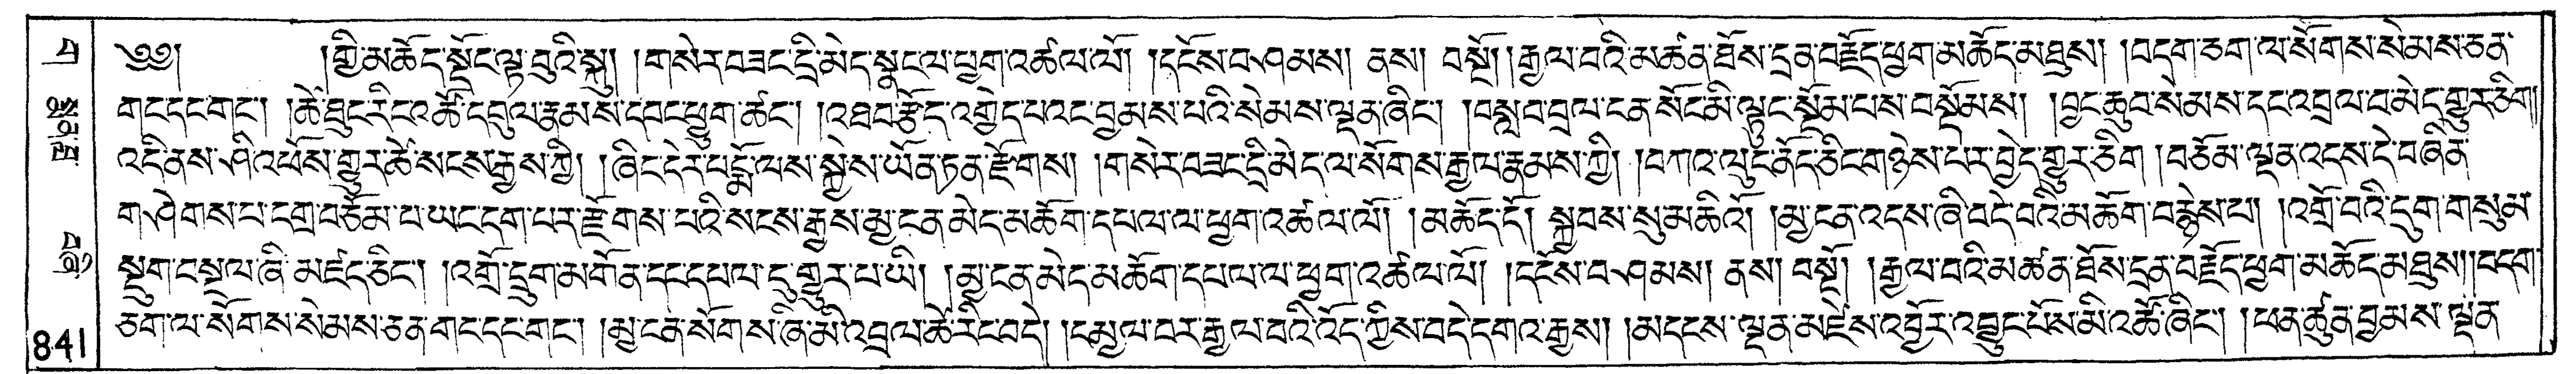༄༅། །གྱི་མཆོད་སྡོང་ལྟ་བུའི་སྐུ། །གསེར་བཟང་དྲི་མེད་སྣང་ལ་ཕྱག་འཚལ་ལོ། །དངོས་བཤམས། ནས། བསྔོ། །རྒྱལ་བའི་མཚན་ཐོས་དྲན་བརྗོད་ཕྱག་མཆོད་མཐུས། །བདག་ཅག་ལ་སོགས་སེམས་ཅན་
གང་དང་གང་། །ཚེ་ཐུང་རིང་འཚོ་དབུལ་རྣམས་དབང་ཕྱུག་ཚང་། །འཐབ་རྩོད་འགྱེད་པའང་བྱམས་པའི་སེམས་ལྡན་ཞིང་། །བསླབ་བྲལ་ངན་སོང་མི་ལྟུང་སྡོམ་པས་བསྡོམས། །བྱང་ཆུབ་སེམས་དང་འབྲལ་བ་མེད་གྱུར་ཅིག །
འདི་ནས་ཤི་འཕོས་གྱུར་ཚེ་སངས་རྒྱས་ཀྱི། །ཞིང་དེར་པདམོ་ལས་སྐྱེས་ཡོན་ཏན་རྫོགས། །གསེར་བཟང་དྲི་མེད་ལ་སོགས་རྒྱལ་རྣམས་ཀྱི། །བཀའ་ལུང་ནོད་ཅིང་གཉེས་པར་བྱེད་གྱུར་ཅིག །བཅོམ་ལྡན་འདས་དེ་བཞིན་
གཤེགས་པ་དགྲ་བཅོམ་པ་ཡང་དག་པར་རྫོགས་པའི་སངས་རྒྱས་མྱ་ངན་མེད་མཆོག་དཔལ་ལ་ཕྱག་འཚལ་ལོ། །མཆོད་དོ། སྐྱབས་སུ་མཆིའོ། །མྱ་ངན་འདས་ཞི་བདེ་བའི་མཆོག་བརྙེས་པ། །འགྲོ་བའི་དུག་གསུམ་
སྡུག་བསྔལ་ཞི་མཛད་ཅིང་། །འགྲོ་དྲུག་མགོན་དང་དཔལ་དུ་གྱུར་པ་ཡི། །མྱ་ངན་མེད་མཆོག་དཔལ་ལ་ཕྱག་འཚལ་ལོ། །དངོས་བཤམས། ནས། བསྔོ། །རྒྱལ་བའི་མཚན་ཐོས་དྲན་བརྗོད་ཕྱག་མཆོད་མཐུས། །བདག་
ཅག་ལ་སོགས་སེམས་ཅན་གང་དང་གང་། །མྱ་ངན་སོགས་ཞི་མི་འབྲལ་ཚེ་རིང་བདེ། །དམྱལ་བར་རྒྱལ་བའི་འོད་ཀྱིས་བདེ་དགའ་རྒྱས། །མདངས་ལྡན་མཛེས་འབྱོར་འབྱུང་པོས་མི་འཚོ་ཞིང་། །ཕན་ཚུན་བྱམས་ལྡན་